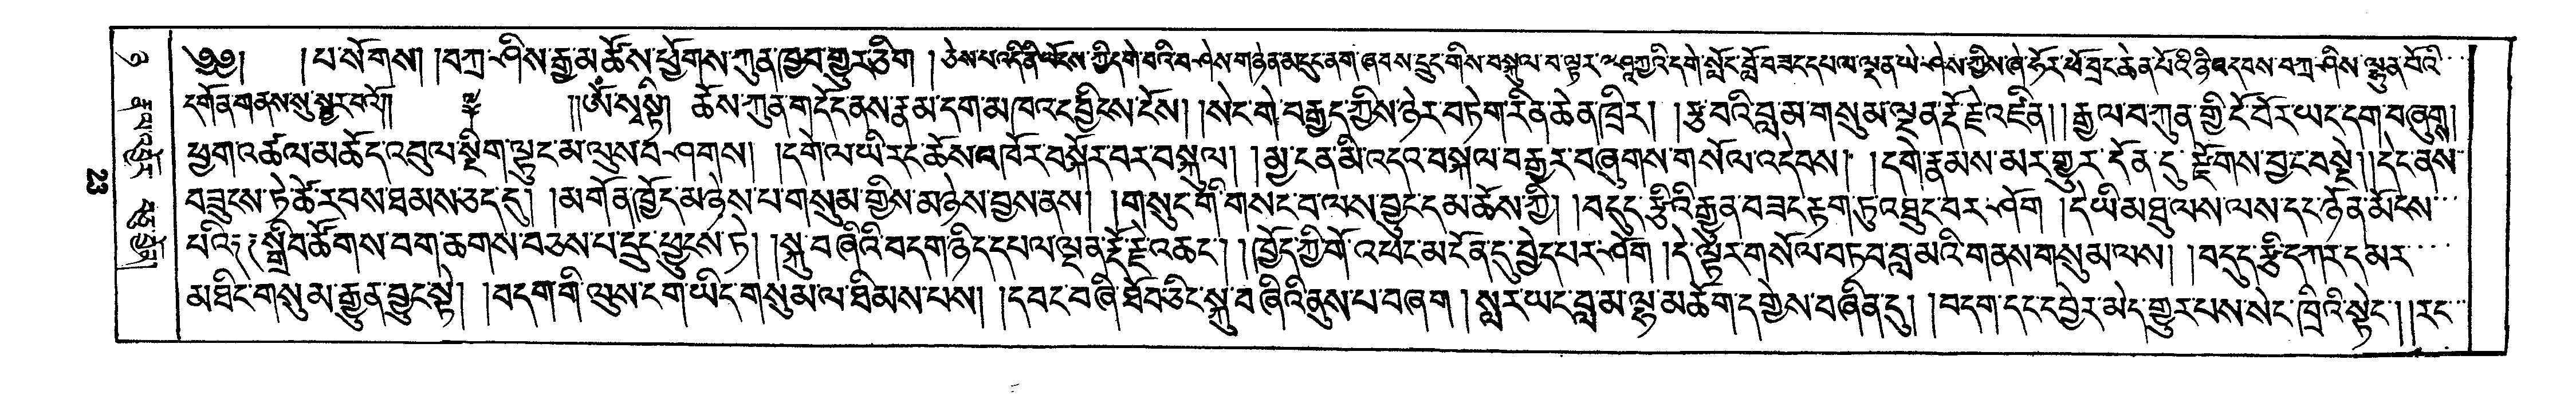༄༅། །པ་སོགས། །བཀྲ་ཤིས་རྒྱ་མཚོས་ཕྱོགས་ཀུན་ཁྱབ་གྱུར་ཅིག །ཅེས་པ་འདི་ནི་ཡོངས་ཀྱི་དགེ་བའི་བཤེས་གཉེན་མདུན་ནག་ཞབས་དྲུང་གིས་བསྐུལ་བ་ལྟར ༧ཤཱཀྱའི་དགེ་སློང་བློ་བཟང་དཔལ་ལྡན་ཡེ་ཤེས་ཀྱིས་ཞེ་ཧོར་ཕོ་བྲང་ཆེན་པོའི་ཉེ་འདབས་བཀྲ་ཤིས་ལྷུན་པོའི་
དགོན་གནས་སུ་སྦྱར་པའོ།། ༈ །།ཨོཾ་སྭསྟི། ཆོས་ཀུན་གདོད་ནས་རྣམ་དག་མཁའ་དབྱིངས་ངོས། །སེང་གེ་བརྒྱད་ཀྱིས་ཉེར་བཏེག་རིན་ཆེན་ཁྲིར། །རྩ་བའི་བླ་མ་གསུམ་ལྡན་རྡོ་རྗེ་འཛིན། །རྒྱལ་བ་ཀུན་གྱི་ངོ་བོར་ཡང་དག་བཞུགས།
ཕྱག་འཚལ་མཆོད་འབུལ་སྡིག་ལྟུང་མ་ལུས་བཤགས། །དགེ་ལ་ཡི་རང་ཆོས་འཁོར་བསྐོར་བར་བསྐུལ། །མྱ་ངན་མི་འདའ་བསྐལ་བརྒྱར་བཞུགས་གསོལ་འདེབས། །དགེ་རྣམས་མར་གྱུར་དོན་དུ་རྫོགས་བྱང་བསྔོ །དེང་ནས་
བཟུངས་ཏེ་ཚེ་རབས་ཐམས་ཅད་དུ། །མགོན་ཁྱོད་མཉེས་པ་གསུམ་གྱིས་མཉེས་བྱས་ནས། །གསུང་གི་གསང་བ་ལས་བྱུང་དམ་ཆོས་ཀྱི། །བདུད་རྩིའི་རྒྱུན་བཟང་རྟག་ཏུ་འཐུང་བར་ཤོག །དེ་ཡི་མཐུ་ལས་ལས་དང་ཉོན་མོངས་
པའི༑ ༑སྒྲིབ་ཚོགས་བག་ཆགས་བཅས་པ་དྲུང་ཕྱུངས་ཏེ། །སྐུ་བཞིའི་བདག་ཉིད་དཔལ་ལྡན་རྡོ་རྗེ་འཆང་། །ཁྱོད་ཀྱི་གོ་འཕང་མངོན་དུ་བྱེད་པར་ཤོག །དེ་ལྟར་གསོལ་བཏབ་བླ་མའི་གནས་གསུམ་ལས། །བདུད་རྩི་དཀར་དམར་
མཐིང་གསུམ་རྒྱུན་བྱུང་སྟེ། །བདག་གི་ལུས་ངག་ཡིན་གསུམ་ལ་ཐིམས་པས། །དབང་བཞི་ཐོབ་ཅིང་སྐུ་བཞིའི་ནུས་པ་བཞག། སླར་ཡང་བླ་མ་ལྷ་མཆོག་དགྱེས་བཞིན་དུ། །བདག་དང་དབྱེར་མེད་གྱུར་པས་སེང་ཁྲིའི་སྟེང་། །རང་